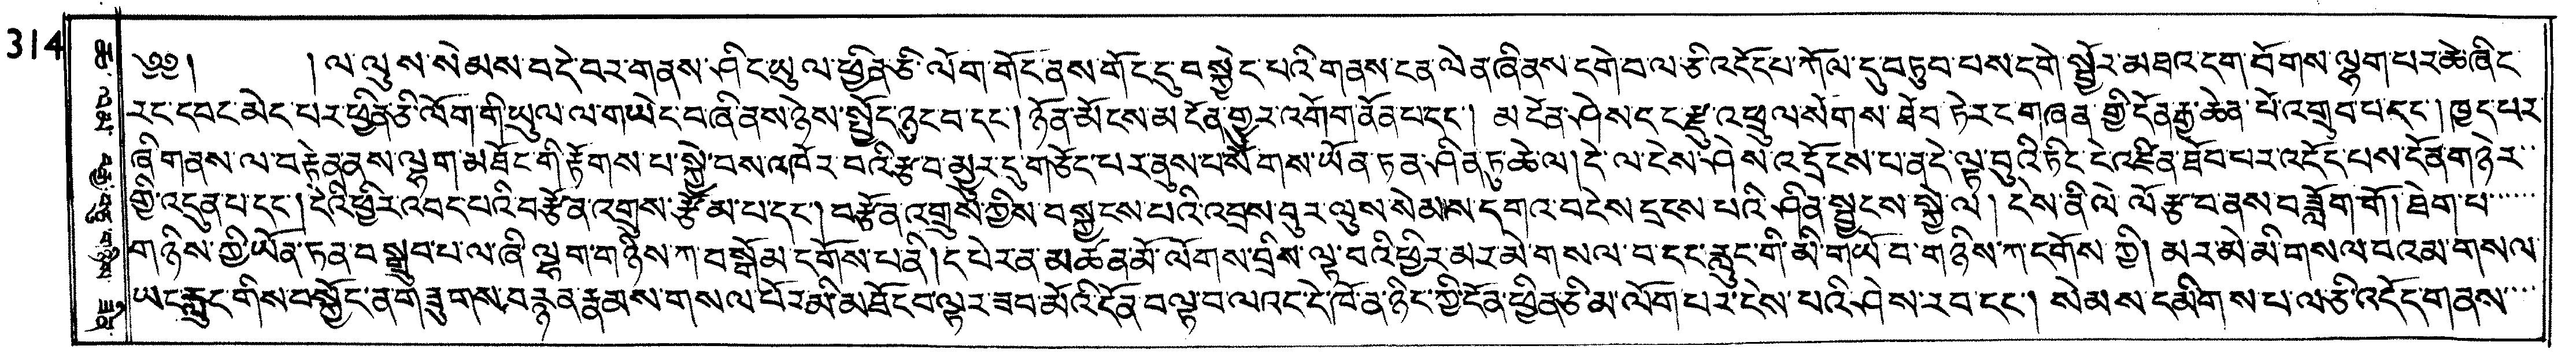༄༅། །ལ་ལུས་སེམས་བདེ་བར་གནས་ཤིང་ཡུལ་ཕྱིན་ཅི་ལོག་གོང་ནས་གོང་དུ་བསྐྱེད་པའི་གནས་ངན་ལེན་ཞི་ནས་དགེ་བ་ལ་ཅི་འདོད་པ་ཀོལ་དུ་བཏུབ་པས་དགེ་སྦྱོར་མཐའ་དག་པོགས་ལྷག་པར་ཆེ་ཞིང་
རང་དབང་མེད་པར་ཕྱིན་ཅི་ལོག་གི་ཡུལ་ལ་གཡེང་བ་ཞི་ནས་ཉེས་སྤྱོད་ཉུང་བ་དང་། ཉོན་མོངས་མངོན་གྱུར་འགོག་ནོན་པ་དང་། མངོན་ཤེས་དང་རྫུ་འཕྲུལ་སོགས་ཐོབ་ཏེ་རང་གཞན་གྱི་དོན་རྒྱ་ཆེན་པོ་འགྲུབ་པ་དང་། ཁྱད་པར་
ཞི་གནས་ལ་བརྟེན་ནས་ལྷག་མཐོང་གི་རྟོགས་པ་སྐྱེ་བས་འཁོར་བའི་རྩ་བ་མྱུར་དུ་གཅོད་པར་ནུས་པ་སོགས་ཡོན་ཏན་ཤིན་ཏུ་ཆེ་ལ། དེ་ལ་ངེས་ཤེས་འདྲོངས་པ་ན་དེ་ལྟ་བུའི་ཏིང་ངེ་འཛིན་ཐོབ་པར་འདོད་པས་དོན་གཉེར་
གྱི་འདུན་པ་དང་། དེའི་ཕྱིར་འབད་པའི་བརྩོན་འགྲུས་རྩོམ་པ་དང་། བརྩོན་འགྲུས་ཀྱིས་བསྐྱངས་པའི་འབྲས་བུར་ལུས་སེམས་དགའ་བདེས་དྲངས་པའི་ཤིན་སྦྱངས་སྐྱེ་ལ། དེས་ནི་ལེ་ལོ་རྩ་བ་ནས་བཟློག་གོ །ཐེག་པ་
གཉིས་ཀྱི་ཡོན་ཏན་བསྒྲུབ་པ་ལ་ཞི་ལྷག་གཉིས་ཀ་བསྒོམ་དགོས་པ་ནི། དཔེར་ན་མཚན་མོ་ལོགས་བྲིས་ལྟ་བའི་ཕྱིར་མར་མེ་གསལ་བ་དང་རླུང་གི་མི་གཡོ་བ་གཉིས་ཀ་དགོས་ཀྱི། མར་མེ་མི་གསལ་བའམ་གསལ་
ཡང་རླུང་གིས་བསྐྱོད་ན་གཟུགས་བརྙན་རྣམས་གསལ་པོར་མི་མཐོང་བ་ལྟར་ཟབ་མོའི་དོན་བལྟ་བ་ལའང་དེ་ཁོ་ན་ཉིད་ཀྱི་དོན་ཕྱིན་ཅི་མ་ལོག་པར་ངེས་པའི་ཤེས་རབ་དང་། སེམས་དམིགས་པ་ལ་ཅི་འདོད་གནས་